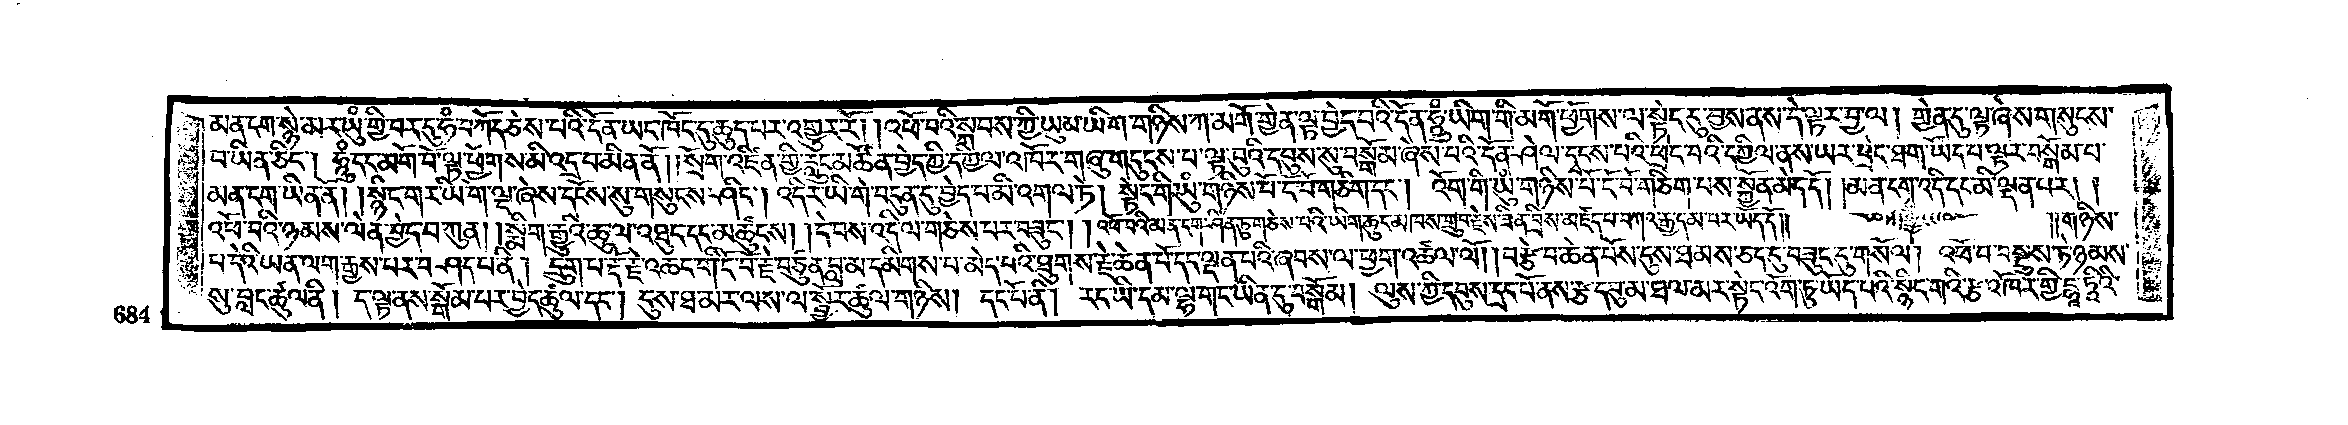མན་ངག་སྙེ་མར་ཡུཾ་གྱི་བར་དུ་ཧཾ་བཀོད་ཅེས་པའི་དོན་ཡང་ཁོང་དུ་ཆུད་པར་འགྱུར་རོ། །འཕོ་བའི་སྐབས་ཀྱི་ཡུམ་ཡིག་གཉིས་ཀ་མགོ་གྱེན་ལྟ་བྱེད་པའི་དོན་ཧཱུཾ་ཡིག་གི་མགོ་ཕྱོགས་ལ་སྟེང་དུ་བྱས་ནས་དེ་ལྟར་བྱ་ལ། གྱེན་དུ་ལྟ་ཞེས་གསུངས་
པ་ཡིན་ཅིང་། ཧཱུཾ་དང་མགོ་བོ་ལྟ་ཕྱོགས་མི་འདྲ་བ་མིན་ནོ། །སྲོག་འཛིན་གྱི་རླུང་མཚོན་བྱེད་ཀྱི་དཀྱིལ་འཁོར་གཞུ་གདུངས་པ་ལྟ་བུའི་དབུས་སུ་བསྒོམ་ཞེས་པའི་དོན་ཤེལ་དྭངས་པའི་ཕྲེང་བའི་དཀྱིལ་ནས་ཡར་ཕྲེང་ཐག་ཡོད་པ་ལྟར་བསྒོམ་པ་
མན་ངག་ཡིན་ནོ། །སྙིང་གར་ཡི་གེ་ལྔ་ཞེས་དངོས་སུ་གསུངས་ཤིང་། འདིར་ཡི་གེ་བདུན་དུ་བྱེད་པ་མི་འགལ་ཏེ། སྟེང་གི་ཡུཾ་གཉིས་པོ་ངོ་བོ་གཅིག་དང་། འོག་གི་ཡུཾ་གཉིས་པོ་ངོ་བོ་གཅིག་པས་སྐྱོན་མེད་དོ། །མན་ངག་འདི་དང་མི་ལྡན་པར། །
འཕོ་བའི་ཉམས་ལེན་བྱེད་པ་ཀུན། །སྨིག་རྒྱུའི་ཆུ་ལ་འཐུང་དང་མཚུངས། །དེ་བས་འདི་ལ་གཅེས་པར་བཟུང་། ། འཕོ་བའི་མན་ངག་ཤིན་ཏུ་གཅེས་པའི་ཡིག་ཆུང་མཁས་གྲུབ་རྗེས་ཟིན་བྲིས་མཛད་པ་བཀའ་རྒྱ་དམ་པར་ཡོད་དོ།།  ༈ །།གཉིས་
པ་དེའི་ཡན་ལག་རྒྱས་པར་བཤད་པ་ནི། དྲུག་པ་རྡོ་རྗེ་འཆང་གི་ངོ་བོ་རྗེ་བཙུན་བླ་མ་དམིགས་པ་མེད་པའི་ཐུགས་རྗེ་ཆེན་པོ་དང་ལྡན་པའི་ཞབས་ལ་ཕྱག་འཚལ་ལོ། །བརྩེ་བ་ཆེན་པོས་དུས་ཐམས་ཅད་དུ་བཟུང་དུ་གསོལ། འཕོ་བ་བསྡུས་ཏེ་ཉམས་
སུ་བླང་ཚུལ་ནི། ད་ལྟ་ནས་སྒོམ་པར་བྱེད་ཚུལ་དང་། དུས་ཐ་མར་ལས་ལ་སྦྱོར་ཚུལ་གཉིས། དང་པོ་ནི། རང་ཡི་དམ་ལྷ་གང་ཡིན་དུ་བསྒོམ། ལུས་ཀྱི་དབུས་དྲང་པོ་ནས་རྩ་དབུ་མ་ཐལ་མར་སྟེང་འོག་ཏུ་ཡོད་པའི་སྙིང་གའི་རྩ་འཁོར་གྱི་དྷཱུ་ཏཱིའི་